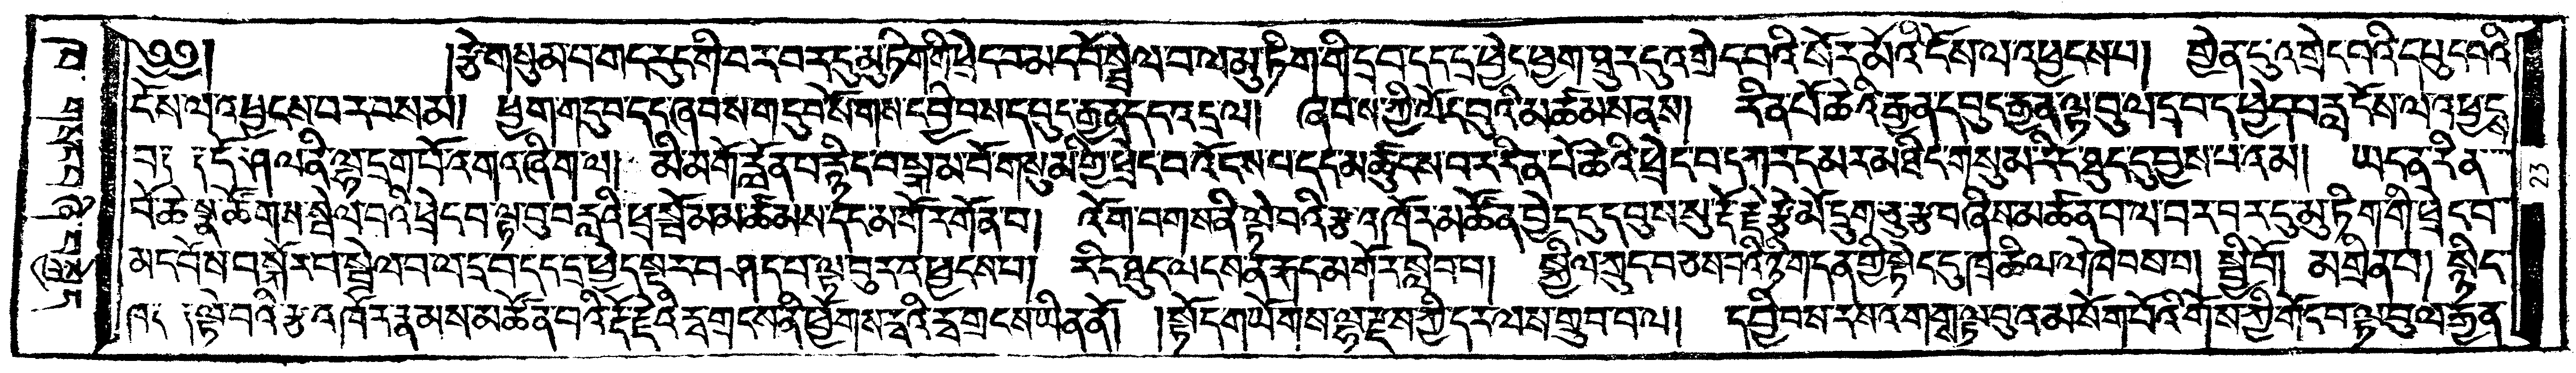༄༅། །རྩེ་གསུམ་པ་གང་རུང་གི་བར་བར་དུ་མུ་ཏིག་གི་ཕྲེང་བ་མང་པོ་སྦྲེལ་བ་ལ་མུ་ཏིག་གི་དྲ་བ་དང་དྲ་ཕྱེད་ཕྱག་ཐུར་དུ་འགྲེང་བའི་སོར་མོའི་ངོས་ལ་འཕྱངས་པ། གྱེན་དུ་འགྲེང་བའི་དཔུང་བའི་
ངོས་ལ་འཕྱངས་པར་བསམ། ཕྱག་གདུབ་དང་ཞབས་གདུབ་སོགས་དབྱིབས་དཔུང་རྒྱན་དང་འདྲ་ལ། ཞབས་ཀྱི་ལོང་བུའི་མཚམས་ནས། རིན་པོ་ཆེའི་རྒྱན་དཔུང་རྒྱན་ལྟ་བུ་ལ་དྲ་བ་དྲ་ཕྱེད་བརླ་ངོས་ལ་འཕྱངས་
བ༑ ༑དོ་ཤལ་ནི་ལྷ་དྲག་པོ་འགའ་ཞིག་ལ། མི་མགོ་རློན་པ་རྙིང་བ་སྒམ་པོ་གསུམ་གྱི་ཕྲེང་བ་འོངས་པ་དང་མཚུངས་བར་རིན་པོ་ཆེའི་ཕྲེང་བ་དཀར་དམར་མཐིང་གསུམ་རིང་ཐུང་དུ་བྱས་པ་འམ། ཡང་ན་རིན་
པོ་ཆེ་སྣ་ཚོགས་སྤེལ་བའི་ཕྲེང་བ་ལྟ་བུ་བརླའི་ཕྲ་སྦོམ་མཚམས་དང་མགོར་གོན་པ། འོག་བགས་ནི་ལྟེ་བའི་རྩ་འཁོར་མཚོན་བྱེད་དུ་དབུས་སུ་རྡོ་རྗེ་རྩེ་མོ་དྲུག་ཅུ་རྩ་བཞིས་མཚན་པ་ལ་བར་བར་དུ་མུ་ཏིག་གི་ཕྲེང་བ་
མང་པོས་བསྐོར་བ་སྦྲེལ་བ་ལ་དྲ་བ་དང་དྲ་ཕྱེད་སྔར་བཤད་པ་ལྟ་བུར་འཕྱངས་པ། རིང་ཐུང་ལངས་ན་རྐང་མགོར་སླེབ་པ། སྐྱིལ་ཀྲུང་བཅས་པའི་ཉི་གདན་གྱི་སྟེང་དུ་ཁྲ་ཚིལ་ལེ་ཁེབས་པ། སྤྱི་བོ། མགྲིན་པ། སྙིང་
ཁ༑ ༑ལྟེ་བའི་རྩ་འཁོར་རྣམས་མཚོན་པའི་རྡོ་རྗེའི་རྭ་གྲངས་ནི་ཕྱོགས་རྭའི་རྭ་གྲངས་ཡིན་ནོ། །སྟོད་གཡོགས་ལྷ་རྫས་ཀྱི་དར་ལས་གྲུབ་བ་ལ། དབྱིབས་རས་འགགས་ལྟ་བུ་འམ་སོག་པོའི་གོས་ཀྱི་གོང་བ་ལྟ་བུ་ལ་རྒྱན་